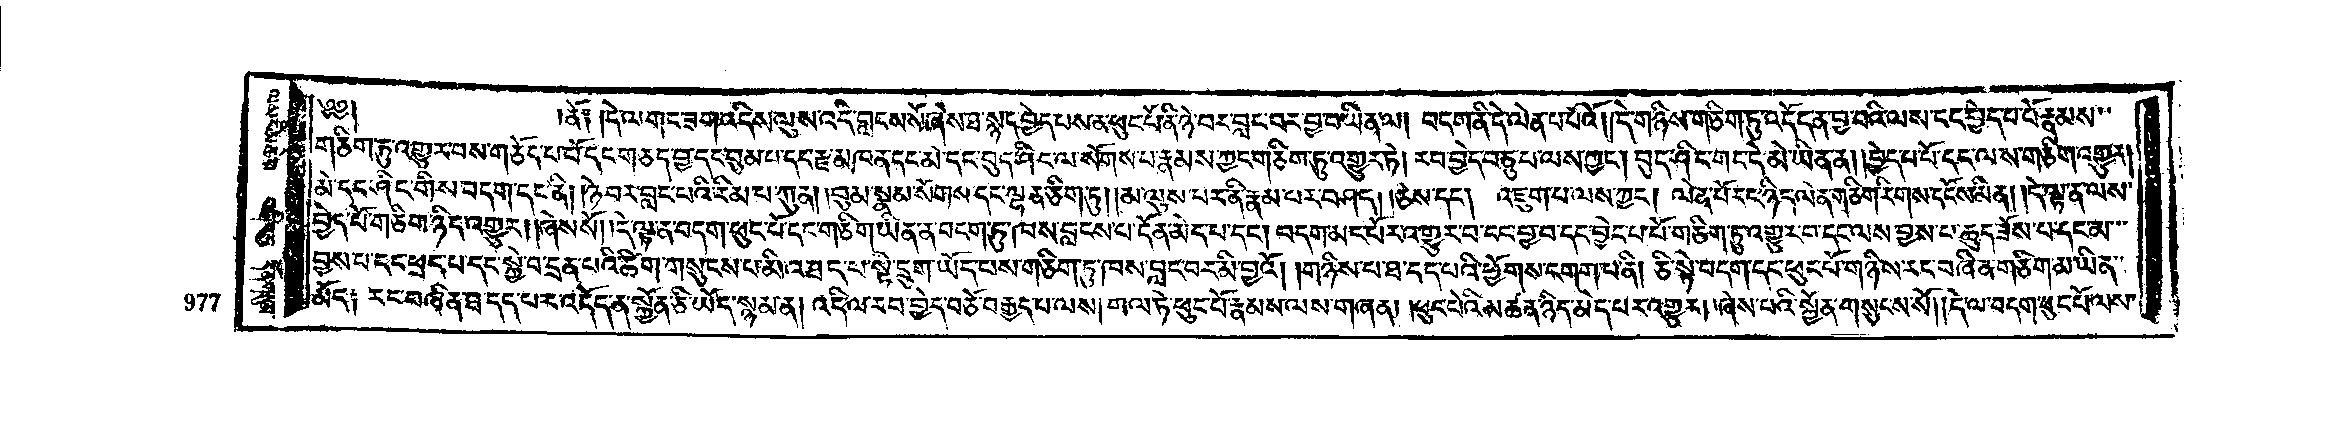༄༅། །ནོ༑ ༑དེ་ལ་གང་ཟག་འདིས་ལུས་འདི་བླངས་སོ་ཞེས་ཐ་སྙད་བྱེད་པས་ན་ཕུང་པོ་ནི་ཉེ་བར་བླང་བར་བྱ་བ་ཡིན་ལ། བདག་ནི་དེ་ལེན་པ་པོའོ། །དེ་གཉིས་གཅིག་ཏུ་འདོད་ན་བྱ་བའི་ལས་དང་བྱེད་པ་པོ་རྣམས་
གཅིག་ཏུ་འགྱུར་བས་གཅོད་པ་པོ་དང་གཅད་བྱ་དང་བུམ་པ་དང་རྫ་མཁན་དང་མེད་དང་བུད་ཤིང་ལ་སོགས་པ་རྣམས་ཀྱང་གཅིག་ཏུ་འགྱུར་ཏེ། རབ་བྱེད་བཅུ་པ་ལས་ཀྱང་། བུད་ཤིང་གང་དེ་མེ་ཡིན་ན། །བྱེད་པ་པོ་དང་ལས་གཅིག་འགྱུར། །
མེ་དང་ཤིང་གིས་བདག་དང་ནི། །ཉེ་བར་བླང་བའི་རིམ་པ་ཀུན། །བུམ་སྣམ་སོགས་དང་ལྷན་ཅིག་ཏུ། །མ་ལུས་པར་ནི་རྣམ་པར་བཤད། །ཅེས་དང་། འཇུག་པ་ལས་ཀྱང་། ལེན་པོ་རང་ཉེར་ལེན་གཅིག་རིགས་དངོས་མིན། །དེ་ལྟ་ན་ལས་
བྱེད་པོ་གཅིག་ཉིད་འགྱུར། །ཞེས་སོ། །དེ་ལྟ་ན་བདག་ཕུང་པོ་དང་གཅིག་ཡིན་ན་བདག་ཏུ་ཁས་བླངས་པ་དོན་མེད་པ་དང་། བདག་མང་པོར་འགྱུར་བ་དང་བྱ་བ་དང་བྱེད་པ་པོ་གཅིག་ཏུ་འགྱུར་བ་དང་ལས་བྱས་པ་ཆུད་ཟོས་པ་དང་མ་
བྱས་པ་དང་ཕྲད་པ་དང་སྐྱེ་བ་དྲན་པའི་ཚིག་གསུངས་པ་མི་འཐད་པ་སྟེ་དྲུག་ཡོད་པས་གཅིག་ཏུ་ཁས་བླང་བར་མི་བྱའོ། །གཉིས་པ་ཐ་དད་པའི་ཕྱོགས་དགག་པ་ནི། ཅི་སྟེ་བདག་དང་ཕུང་པོ་གཉིས་རང་བཞིན་གཅིག་མ་ཡིན་
མོད༑ རང་བཞིན་ཐ་དད་པར་འདོད་ན་སྐྱོན་ཅི་ཡོད་སྙམ་ན། འདི་ལ་རབ་བྱེད་བཅོ་བརྒྱད་པ་ལས། གལ་ཏེ་ཕུང་པོ་རྣམས་ལས་གཞན། །ཕུང་པོའི་མཚན་ཉིད་མེད་པར་འགྱུར། །ཞེས་པའི་སྐྱོན་གསུངས་སོ། །དེ་ལ་བདག་ཕུང་པོ་ལས་